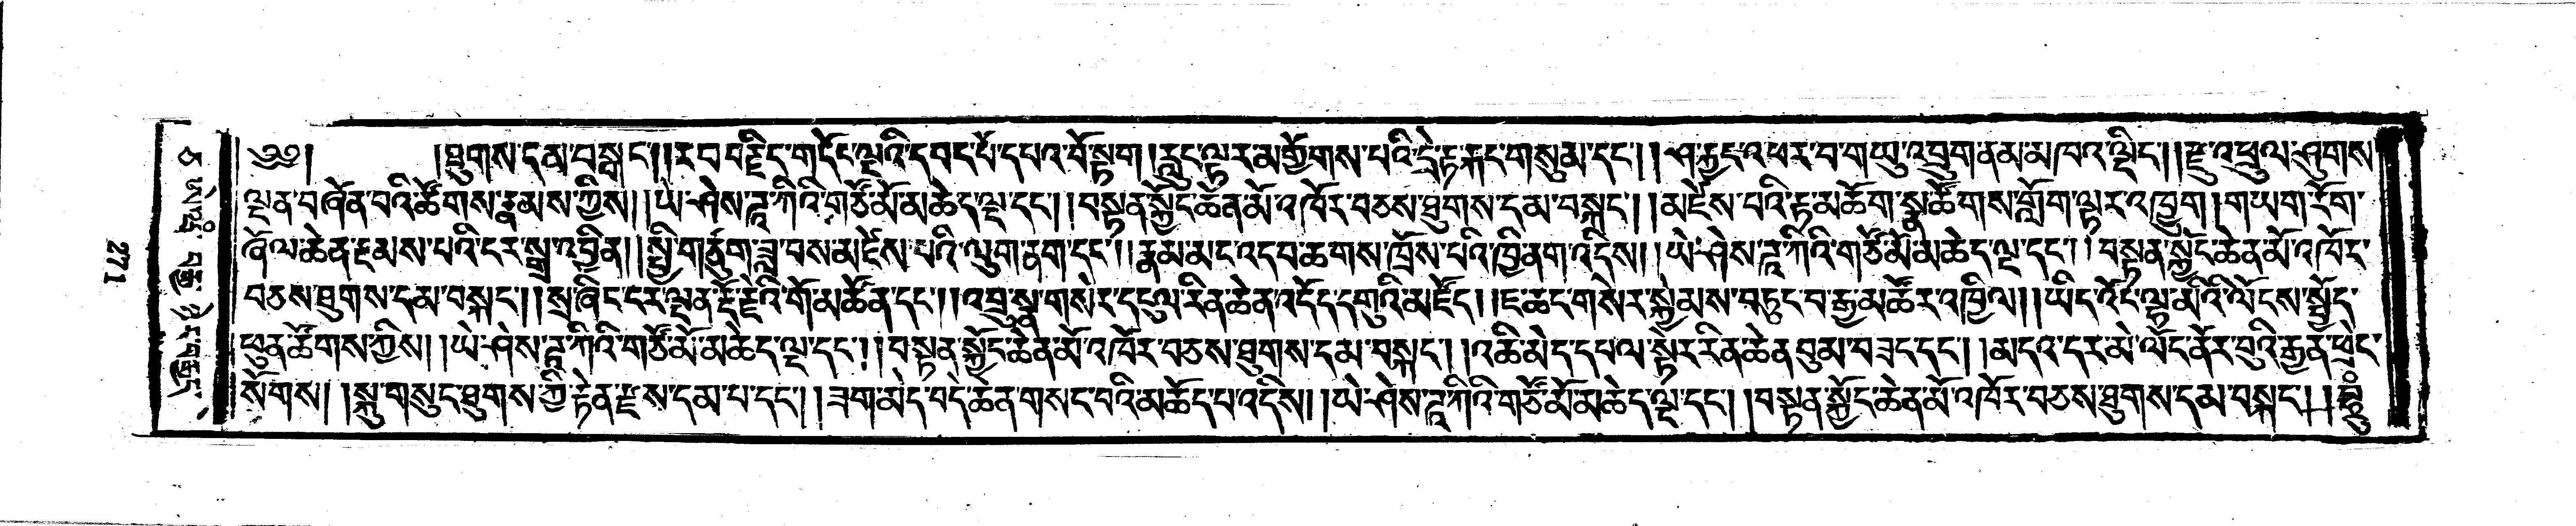༄༅། །ཐུགས་དམ་བསྐང་། །རབ་བརྗིད་གདོང་ལྔའི་དབང་པོ་དཔའ་བོ་སྟག །རླུང་ལྟར་མགྱོགས་པའི་དྲེ་རྟ་རྐང་གསུམ་དང་། །ཤ་རྐྱང་འཕར་བ་གཡུ་འབྲུག་ནམ་མཁའ་ལྡིང་། །རྫུ་འཕྲུལ་ཤུགས་
ལྡན་བཞོན་པའི་ཚོགས་རྣམས་ཀྱིས། །ཡེ་ཤེས་ཌཱ་ཀིའི་གཙོ་མོ་མཆེད་ལྔ་དང་། །བསྟན་སྐྱོང་ཆེན་མོ་འཁོར་བཅས་ཐུགས་དམ་བསྐང་། །མཛེས་པའི་རྟ་མཆོག་སྣ་ཚོགས་གློག་ལྟར་འཁྱུག །གཡག་རོག་
ཞོལ་ཆེན་རྔམས་པའི་ངར་སྒྲ་འབྱིན། །སྤྱི་གཙུག་ཟླ་བས་མཛེས་པའི་ལུག་ནག་དང་། །རྣམ་མང་འདབ་ཆགས་ཁྲོས་པའི་ཁྱི་ནག་འདིས། །ཡེ་ཤེས་ཌཱ་ཀིའི་གཙོ་མོ་མཆེད་ལྔ་དང་། །བསྟན་སྐྱོང་ཆེན་མོ་འཁོར་
བཅས་ཐུགས་དམ་བསྐང་། །སྲ་ཞིང་ངར་ལྡན་རྡོ་རྗེའི་གོ་མཚོན་དང་། །འབྲུ་སྣ་གསེར་དངུལ་རིན་ཆེན་འདོད་དགུའི་མཛོད། །ཇ་ཆང་གསེར་སྐྱེམས་བཏུང་བ་རྒྱ་མཚོར་འཁྱིལ། །ཡིད་འོང་ལྷ་མིའི་ལོངས་སྤྱོད་
ཕུན་ཚོགས་ཀྱིས། །ཡེ་ཤེས་ཌཱ་ཀིའི་གཙོ་མོ་མཆེད་ལྔ་དང་། །བསྟན་སྐྱོང་ཆེན་མོ་འཁོར་བཅས་ཐུགས་དམ་བསྐང་། །འཆི་མེད་དཔལ་སྟེར་རིན་ཆེན་བུམ་བཟང་དང་། །མདའ་དར་མེ་ལོང་ནོར་བུའི་རྒྱན་ཕྲེང་
སོགས། །སྐུ་གསུང་ཐུགས་ཀྱི་རྟེན་རྫས་དམ་པ་དང་། །ཟག་མེད་བདེ་ཆེན་གསང་བའི་མཆོད་པ་འདིས། །ཡེ་ཤེས་ཌཱ་ཀིའི་གཙོ་མོ་མཆེད་ལྔ་དང་། །བསྟན་སྐྱོང་ཆེན་མོ་འཁོར་བཅས་ཐུགས་དམ་བསྐང་། །བྷྲུཾ་